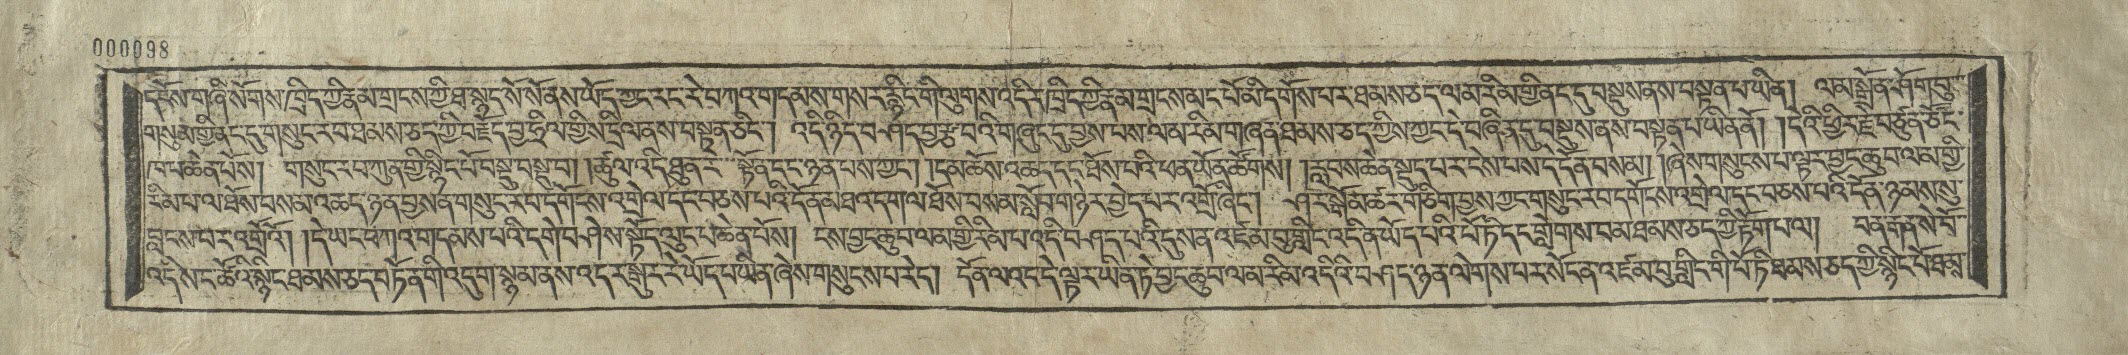དངོས་གཞི་སོགས་ཁྲིད་ཀྱི་རྣམ་གྲངས་ཀྱི་ཐ་སྙད་སོ་སོ་ནས་ཡོད་ཀྱང་རང་རེ་བཀའ་གདམས་གསར་རྙིང་གི་ལུགས་འདིར་ཁྲིད་ཀྱི་རྣམ་གྲངས་མང་པོ་མི་དགོས་པར་ཐམས་ཅད་ལམ་རིམ་གྱི་ནང་དུ་བསྡུས་ནས་བསྟན་པ་ཡིན། ལམ་སྒྲོན་ཤོག་བུ་
གསུམ་གྱི་ནང་དུ་གསུང་རབ་ཐམས་ཅད་ཀྱི་བརྗོད་བྱ་ཧྲིལ་གྱིས་དྲིལ་ནས་བསྟན་ཅིང་། འདི་ཉིད་བཤད་བྱ་རྩ་བའི་གཞུང་དུ་བྱས་པས་ལམ་རིམ་གཞན་ཐམས་ཅད་ཀྱིས་ཀྱང་དེ་བཞིན་དུ་བསྡུས་ནས་བསྟན་པ་ཡིན་ནོ། །དེའི་ཕྱིར་རྗེ་བཙུན་ཙོང་
ཁ་པ་ཆེན་པོས། གསུང་རབ་ཀུན་གྱི་སྙིང་པོ་བསྡུ་བསྡུ་བ། །ཚུལ་འདི་ཐུན་རེ་སྟོན་དང་ཉན་པས་ཀྱང་། །དམ་ཆོས་འཆད་དང་ཐོས་པའི་ཕན་ཡོན་ཚོགས། །རླབས་ཆེན་སྡུད་པར་ངེས་པས་དེ་དོན་བསམ། །ཞེས་གསུངས་པ་ལྟར་བྱང་ཆུབ་ལམ་གྱི་
རིམ་པ་ལ་ཐོས་བསམ་འཆད་ཉན་བྱས་ན་གསུང་རབ་དགོངས་འགྲེལ་དང་བཅས་པའི་དོན་མཐའ་དག་ལ་ཐོས་བསམ་སློབ་གཉེར་བྱེད་པར་འགྲོ་ཞིང་། ཤར་སྒོམ་ཚར་གཅིག་བྱས་ཀྱང་གསུང་རབ་དགོངས་འགྲེལ་དང་བཅས་པའི་དོན་ཉམས་སུ་
བླངས་པར་འགྲོའོ། །དེ་ཡང་བཀའ་གདམས་པའི་དགེ་བཤེས་སྟོད་ལུང་པ་ཆེན་པོས། ངས་བྱང་ཆུབ་ལམ་གྱི་རིམ་པ་འདི་བཤད་པའི་དུས་ན་འཛམ་བུ་གླིང་འདི་ན་ཡོད་པའི་པོ་ཏི་དང་གླེགས་བམ་ཐམས་ཅད་ཀྱི་རྟོག་པ་ལ། བམ་རྒན་སེ་བོ་
འདིས་ང་ཚོའི་སྙིང་ཐམས་ཅད་བཏོན་གི་འདུག་སྙམ་ནས་འདར་སྒུར་རེ་ཡོད་པ་ཡིན་ཞེས་གསུངས་པ་རེད། དོན་ལའང་དེ་ལྟར་ཡིན་ཏེ་བྱང་ཆུབ་ལམ་རིམ་འདིའི་བཤད་ཉན་ལེགས་པར་སོང་ན་འཛམ་བུ་གླིང་གི་པོ་ཏི་ཐམས་ཅད་ཀྱི་སྙིང་པོ་ཐམས་